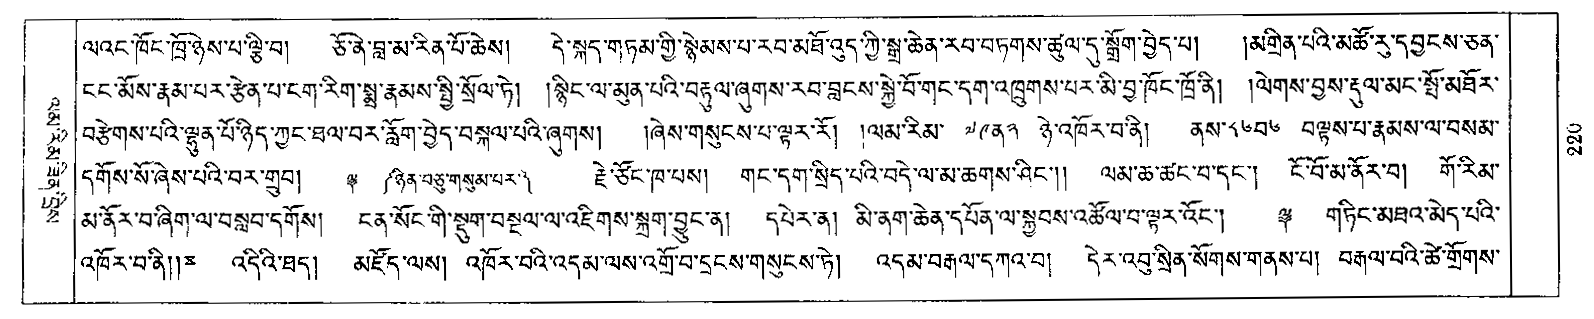ལའང་ཁོང་ཁྲོ་ཉེས་པ་ལྕི་བ། ཅོ་ནེ་བླ་མ་རིན་པོ་ཆེས། དེ་སྐད་གཏམ་གྱི་སྙེམས་པ་རབ་མཐོ་འུད་ཀྱི་སྒྲ་ཆེན་རབ་བཏགས་ཚུལ་དུ་སྒྲོག་བྱེད་པ། །མགྲིན་པའི་མཚོ་རུ་དབྱངས་ཅན་
ངང་མོས་རྣམ་པར་རྩེན་པ་ངག་རིག་སྨྲ་རྣམས་སྤྱི་སྲོལ་ཏེ། །སྙིང་ལ་མུན་པའི་བརྟུལ་ཞུགས་རབ་བླངས་སྐྱེ་བོ་གང་དག་འཁྲུགས་པར་མི་བྱ་ཁོང་ཁྲོ་ནི། །ལེགས་བྱས་རྡུལ་མང་སྤོ་མཐོར་
བརྩེགས་པའི་ལྷུན་པོ་ཉིད་ཀྱང་ཐལ་བར་རློག་བྱེད་བསྐལ་པའི་ཞུགས། །ཞེས་གསུངས་པ་ལྟར་རོ། །ལམ་རིམ ༧༩་ན ༢་ཉེ་འཁོར་བ་ནི། ནས ༨༦་བ ༦་བལྟས་པ་རྣམས་ལ་བསམ་
དགོས་སོ་ཞེས་པའི་བར་གྲུབ། ༈ ཉིན་བཅུ་གསུམ་པར྄་རྗེ་ཙོང་ཁ་པས། གང་དག་སྲིད་པའི་བདེ་ལ་མ་ཆགས་ཤིང།། ལམ་ཆ་ཚང་བ་དང་། ངོ་བོ་མ་ནོར་བ། གོ་རིམ་
མ་ནོར་བ་ཞིག་ལ་བསླབ་དགོས། ངན་སོང་གི་སྡུག་བསྔལ་ལ་འཇིགས་སྐྲག་བྱུང་ན། དཔེར་ན། མི་ནག་ཆེན་དཔོན་ལ་སྐྱབས་འཚོལ་བ་ལྟར་འོང་། ༈ གཏིང་མཐའ་མེད་པའི་
འཁོར་བ་ནི།། འདིའི་ཐད། མཛོད་ལས། འཁོར་བའི་འདམ་ལས་འགྲོ་བ་དྲངས་གསུངས་ཏེ། འདམ་བརྒལ་དཀའ་བ། དེར་འབུ་སྲིན་སོགས་གནས་པ། བརྒལ་བའི་ཚེ་གྲོགས་